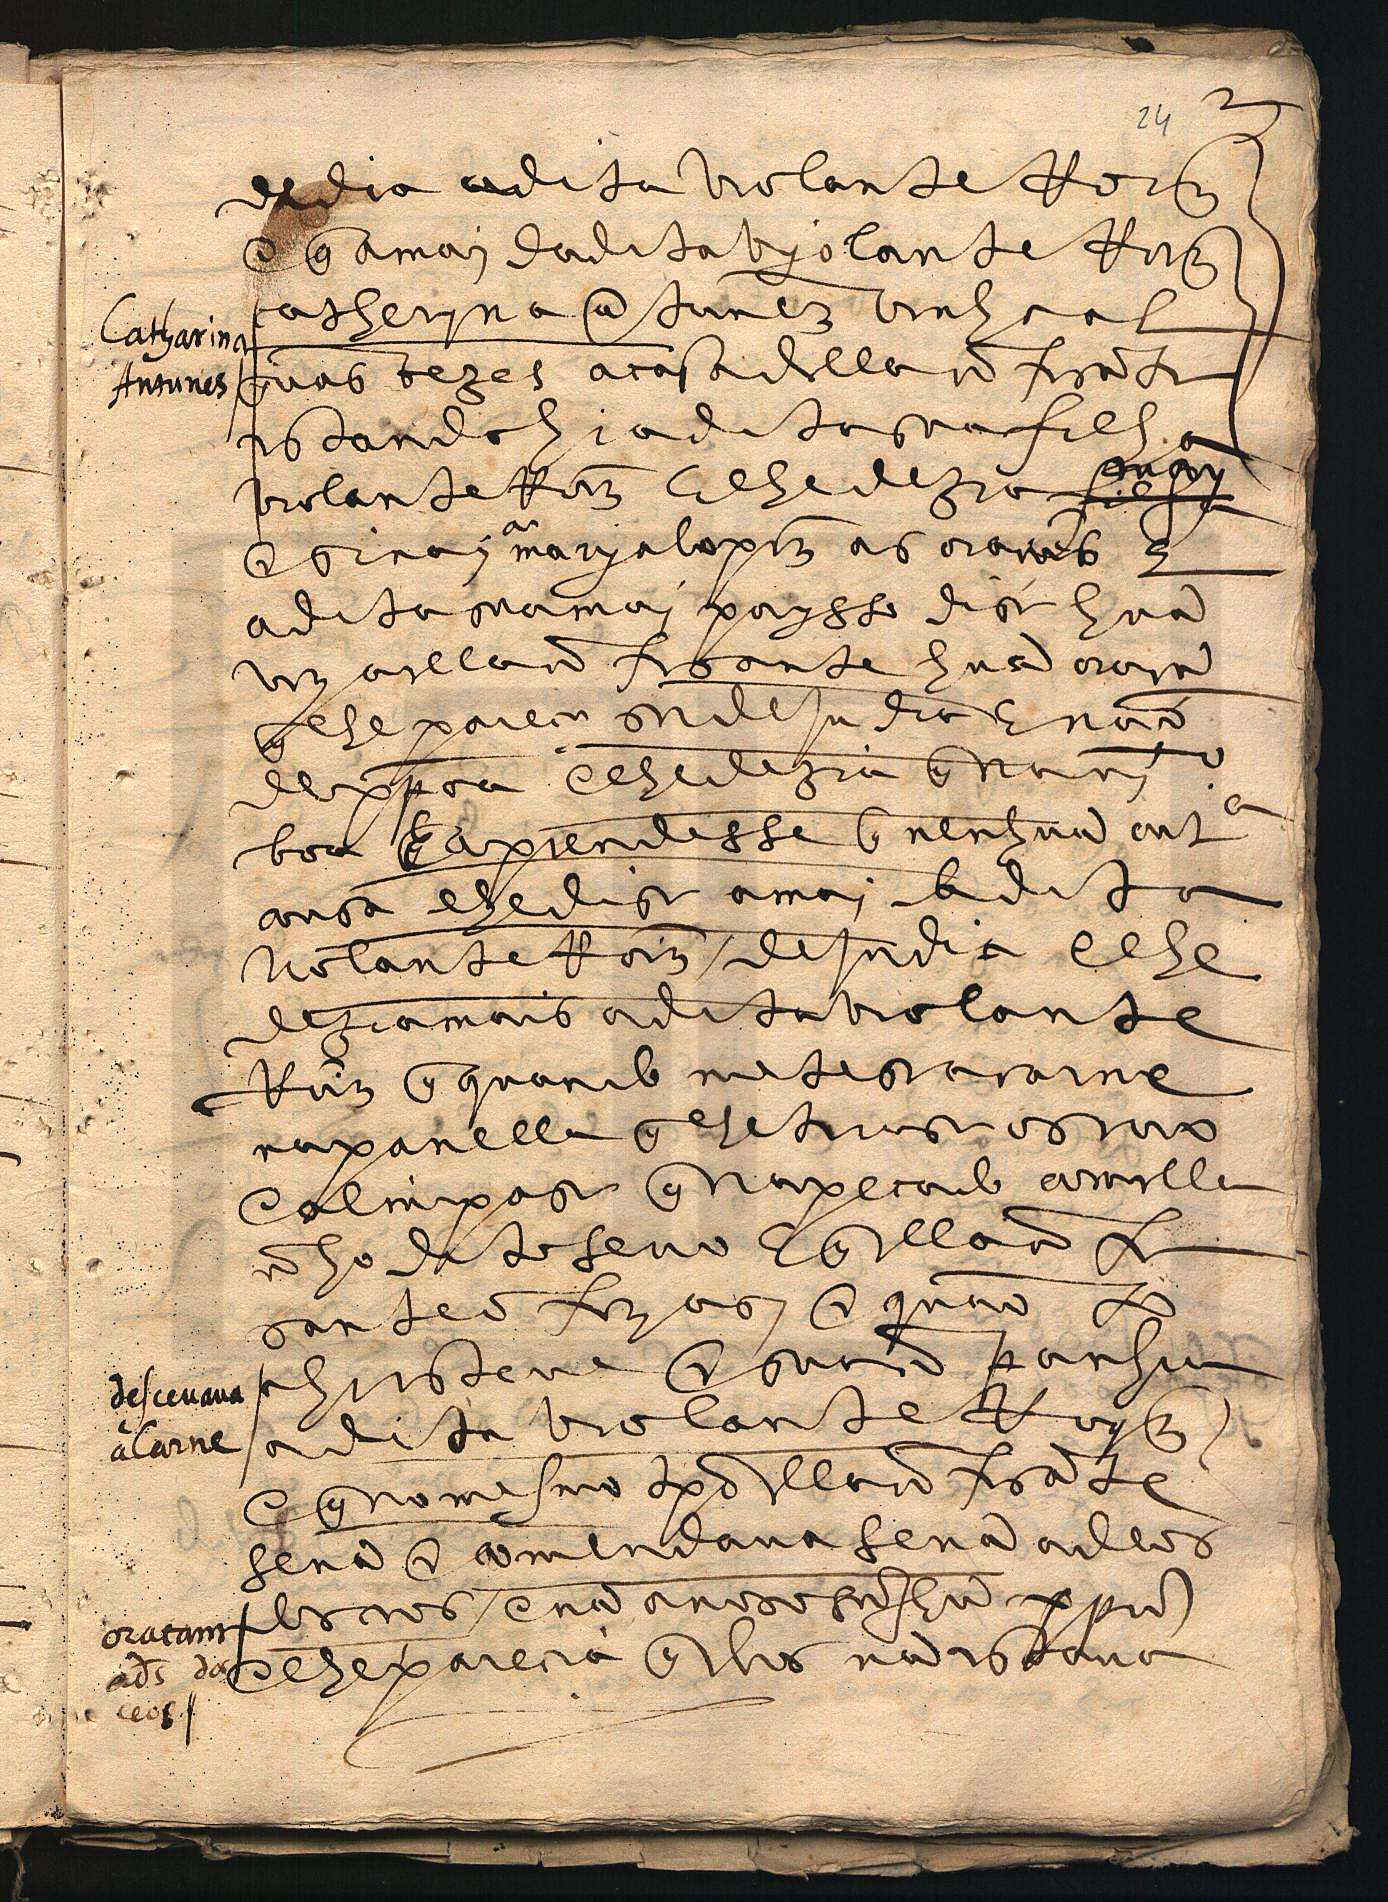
Catharina
Antunes
desceuaua
a Carne
oracam
a d̄s dos
ceos |
de dia a dita violante Roiz̄
e q̄ a maj da dita vyolante Roiz̄
catherjna ātunez vinha aL
gūas vezes a casa della cōfesāte
estando hi a dita sua filha
violante Rōiz E lhe dezia filha
may
ēsinaj a marya lopez as orações E
a dita sua maj por ysso dise huā
vez a ella cōfesante huā oraçā
q̄ lhe pareçe ser de Judia E naõ
de xp̄aa e lhe dezia q̄ era mto
boa E aprendesse q̄ nenhuā outa
cousa lhe dise a maj da dita
violante Rōiz / de Judia e lhe
dezia mais a dita violante
Rōiz q̄ quando metese a carne
na panella q̄ lhe tirase o seuo
e a limpase q̄ era pecado comella
cō ho dito seuo E q̄ ella cōfe
sante o fez asj ēquãoto
ahi esteue ē sua cōpanhia
a dita violante Royz̄
e q̄ no mesmo tpō ella cōfesāte
se nā ēcomendaua senā a deos
dos ceos / e nā a noso sor Jhū xpō
e lhe parecia q̄ deos nā estaua
